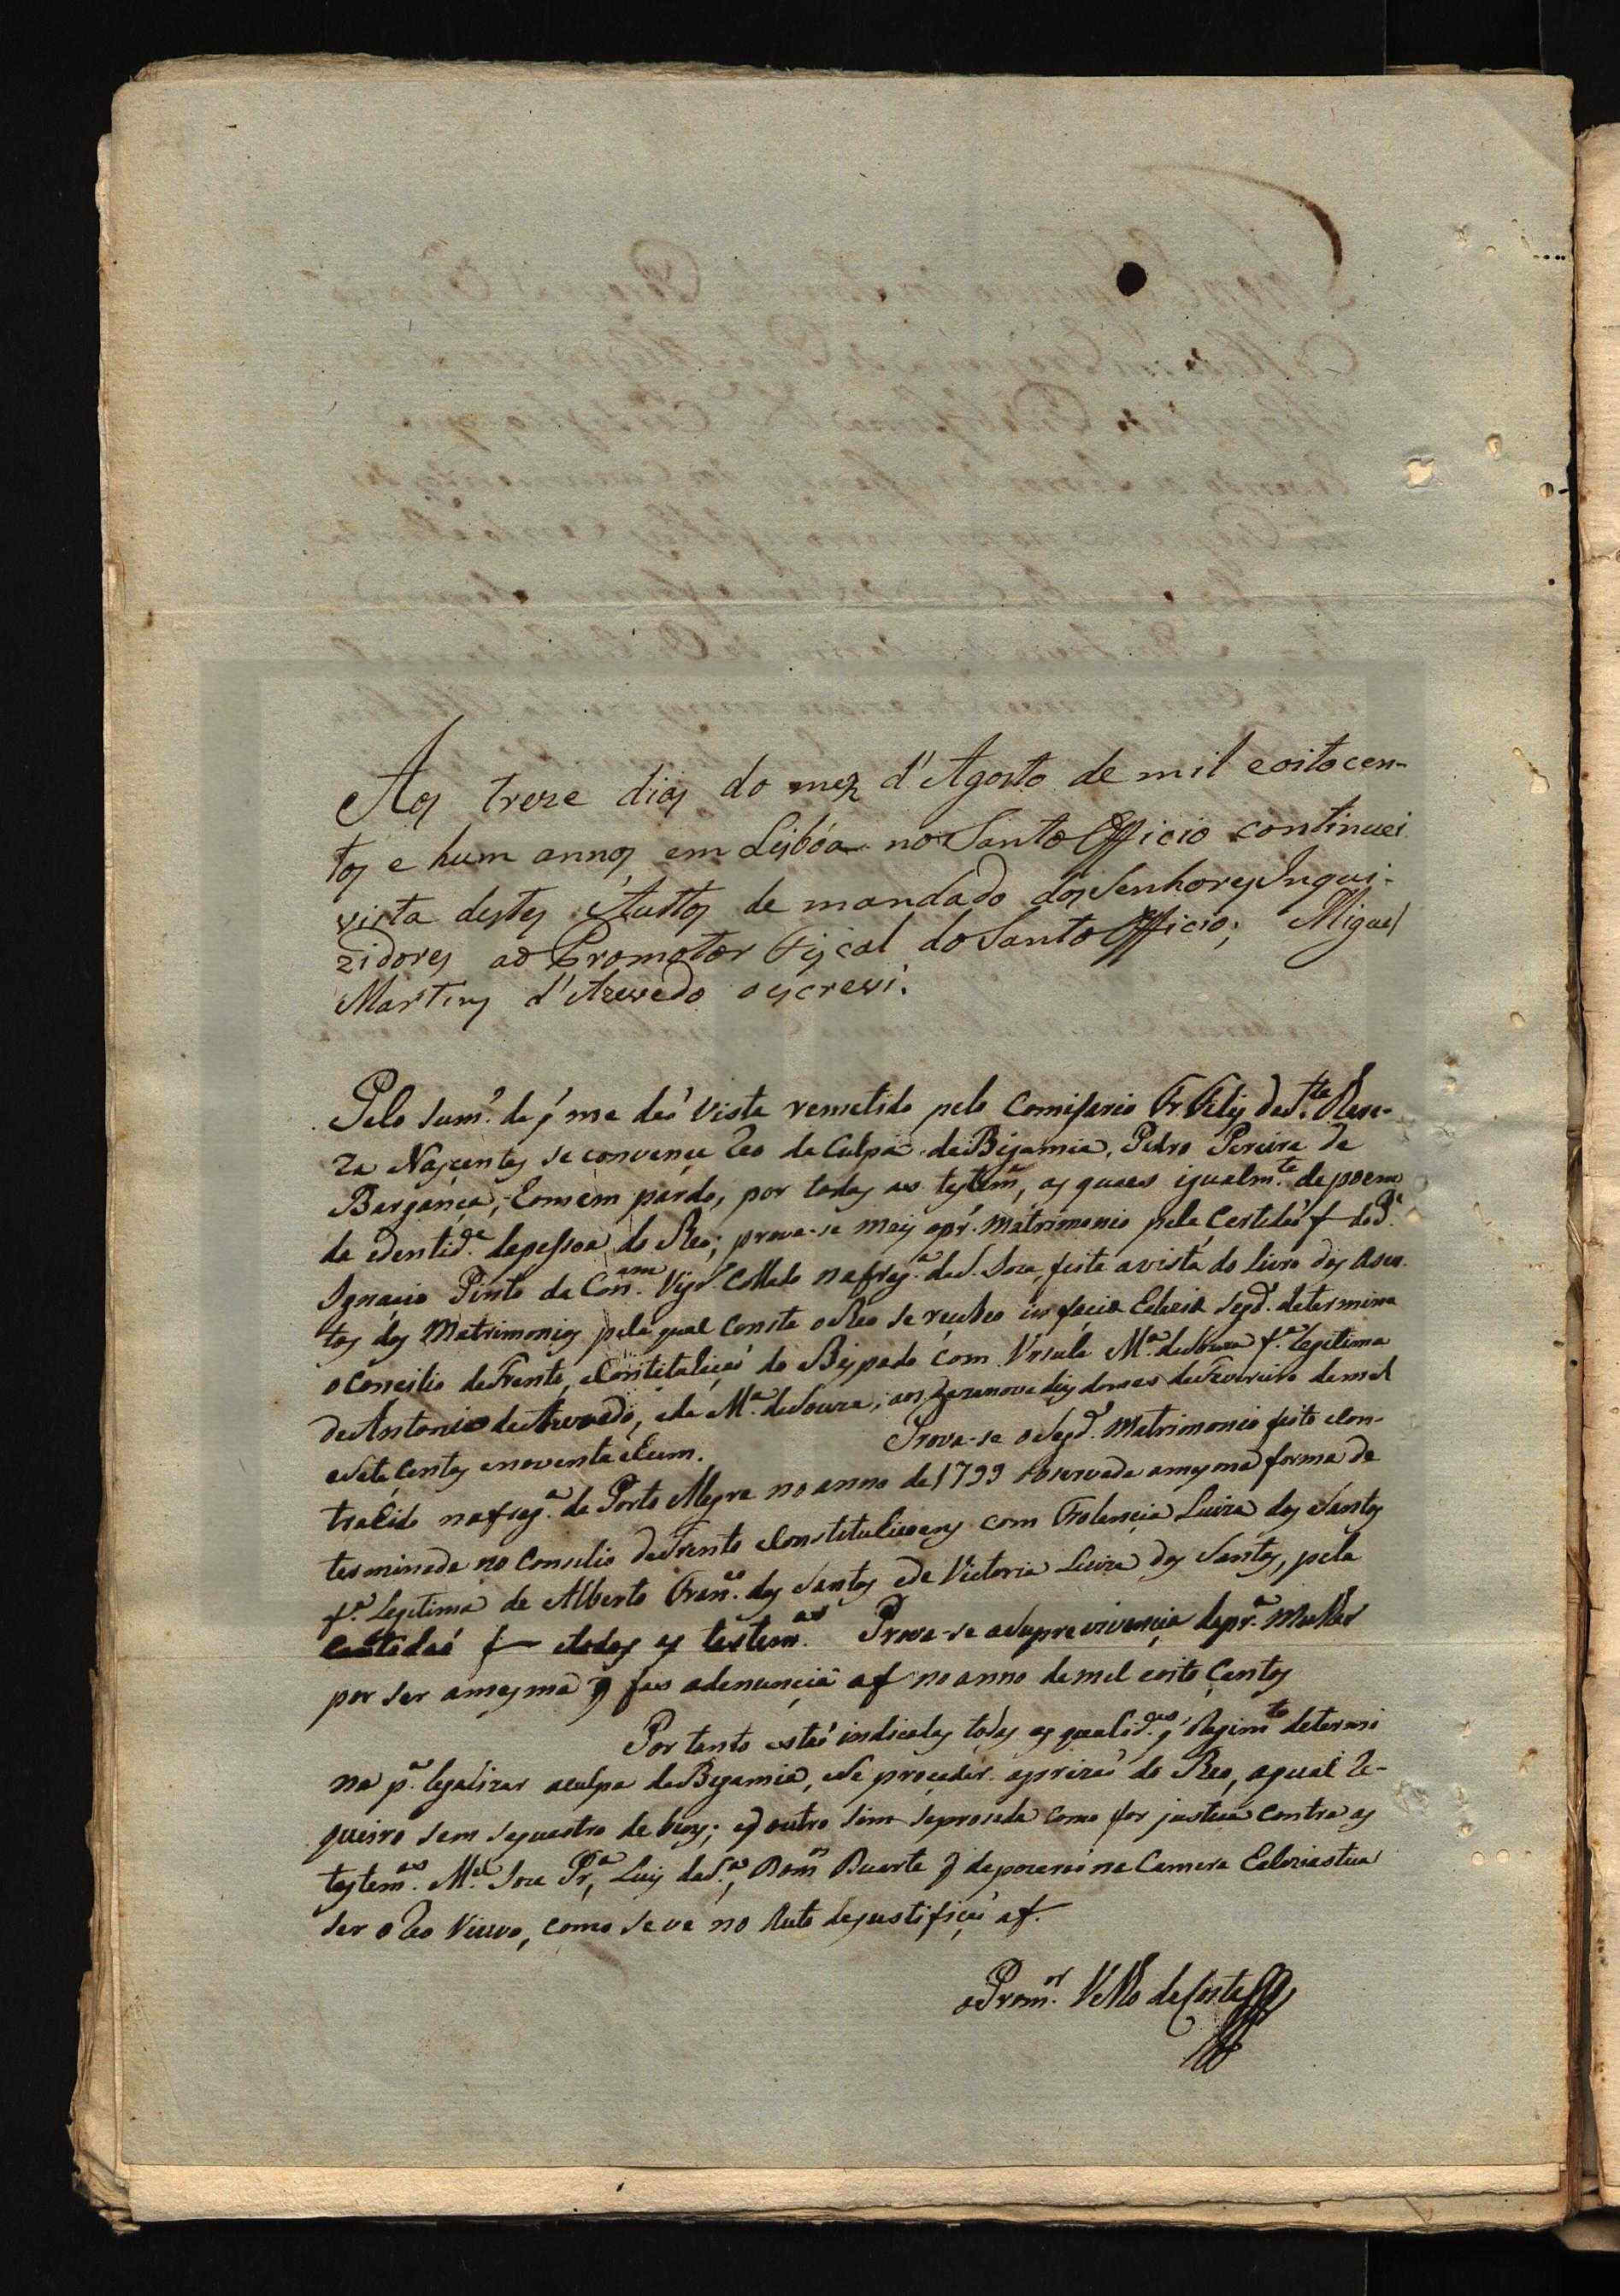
Aos treze dias do mez d'Agosto de mil e oitocen
tos e hum annos, em Lisboa no Santo Officio continuei
vista destes Auttos de mandado dos Senhores Inqui
zidores ao Promotor Fiscal do Santo Officio; Miguel
Martins d'Azevedo o escrevi.
Pelo sum̄. de q̄ me deo vista remetido pelo Comisario Fr. Felis de S.ta There
Za Nasçentes se convençe Reo da Culpa de Bigamia, Pedro Pereira de
Bargança, Homem pardo, por todas as testem.as, as quaes igualm.te depoem
da edentid.e de pessoa do Reo; prova-se mais o pr.o matrimonio pela Çertidaõ f do P.e
Ignaçio Pinto da Con.am Vigr.o Collado na freg.a de S. Ioze, feita a vista do Livro dos asen
tos dos Matrimonios pelo qual consta o Reo de reçeber in façia Eclezia segd.o determina
o Concilio de Trento, a Contitahiçaõ do Bispado com Ursula M.a de Souza f.a legitima
de Antonio de Azevedo, e de M.a de Souza; aos dezanove dias do mes de Fevereiro de mil
e setecentos e novente e hum. Prova-se o Segd.o Matrimonio feito e con
trahido na freg.a de Porto Alegre no anno de 1799 observada a mesma forma de
terminada no Consilio de Trento e constetuhicoens com Frolençia Luiza dos Santos
f.a Legitima de Alberto Fran.co dos Santos e de Victoria Luiza dos Santos, pela
Certidaõ f e todos as testem.as Prova-se a suprevivençia da pr.a mulher
por ser a mesma q̄ fas a denunçia a f no anno de mil e oitoÇentos
Portanto estaõ indicadas todas as qualid.es q̄ Regim.to determi
na p.a legalizar a culpa da Begamia, e se proçeder a prizaõ do Reo, a qual Re
queiro sem sequestro de bens; e q̄ outrosim se proseda como for justiça contra as
testem.as M.el Ioze Pra, Luis da S.a, Domos Duarte q̄ depozeraõ na Camera Ecleziastica
ser o Reo viuvo, como se ve no Auto de justifiçaõ a f.
o Prom.or Velho da Costa
